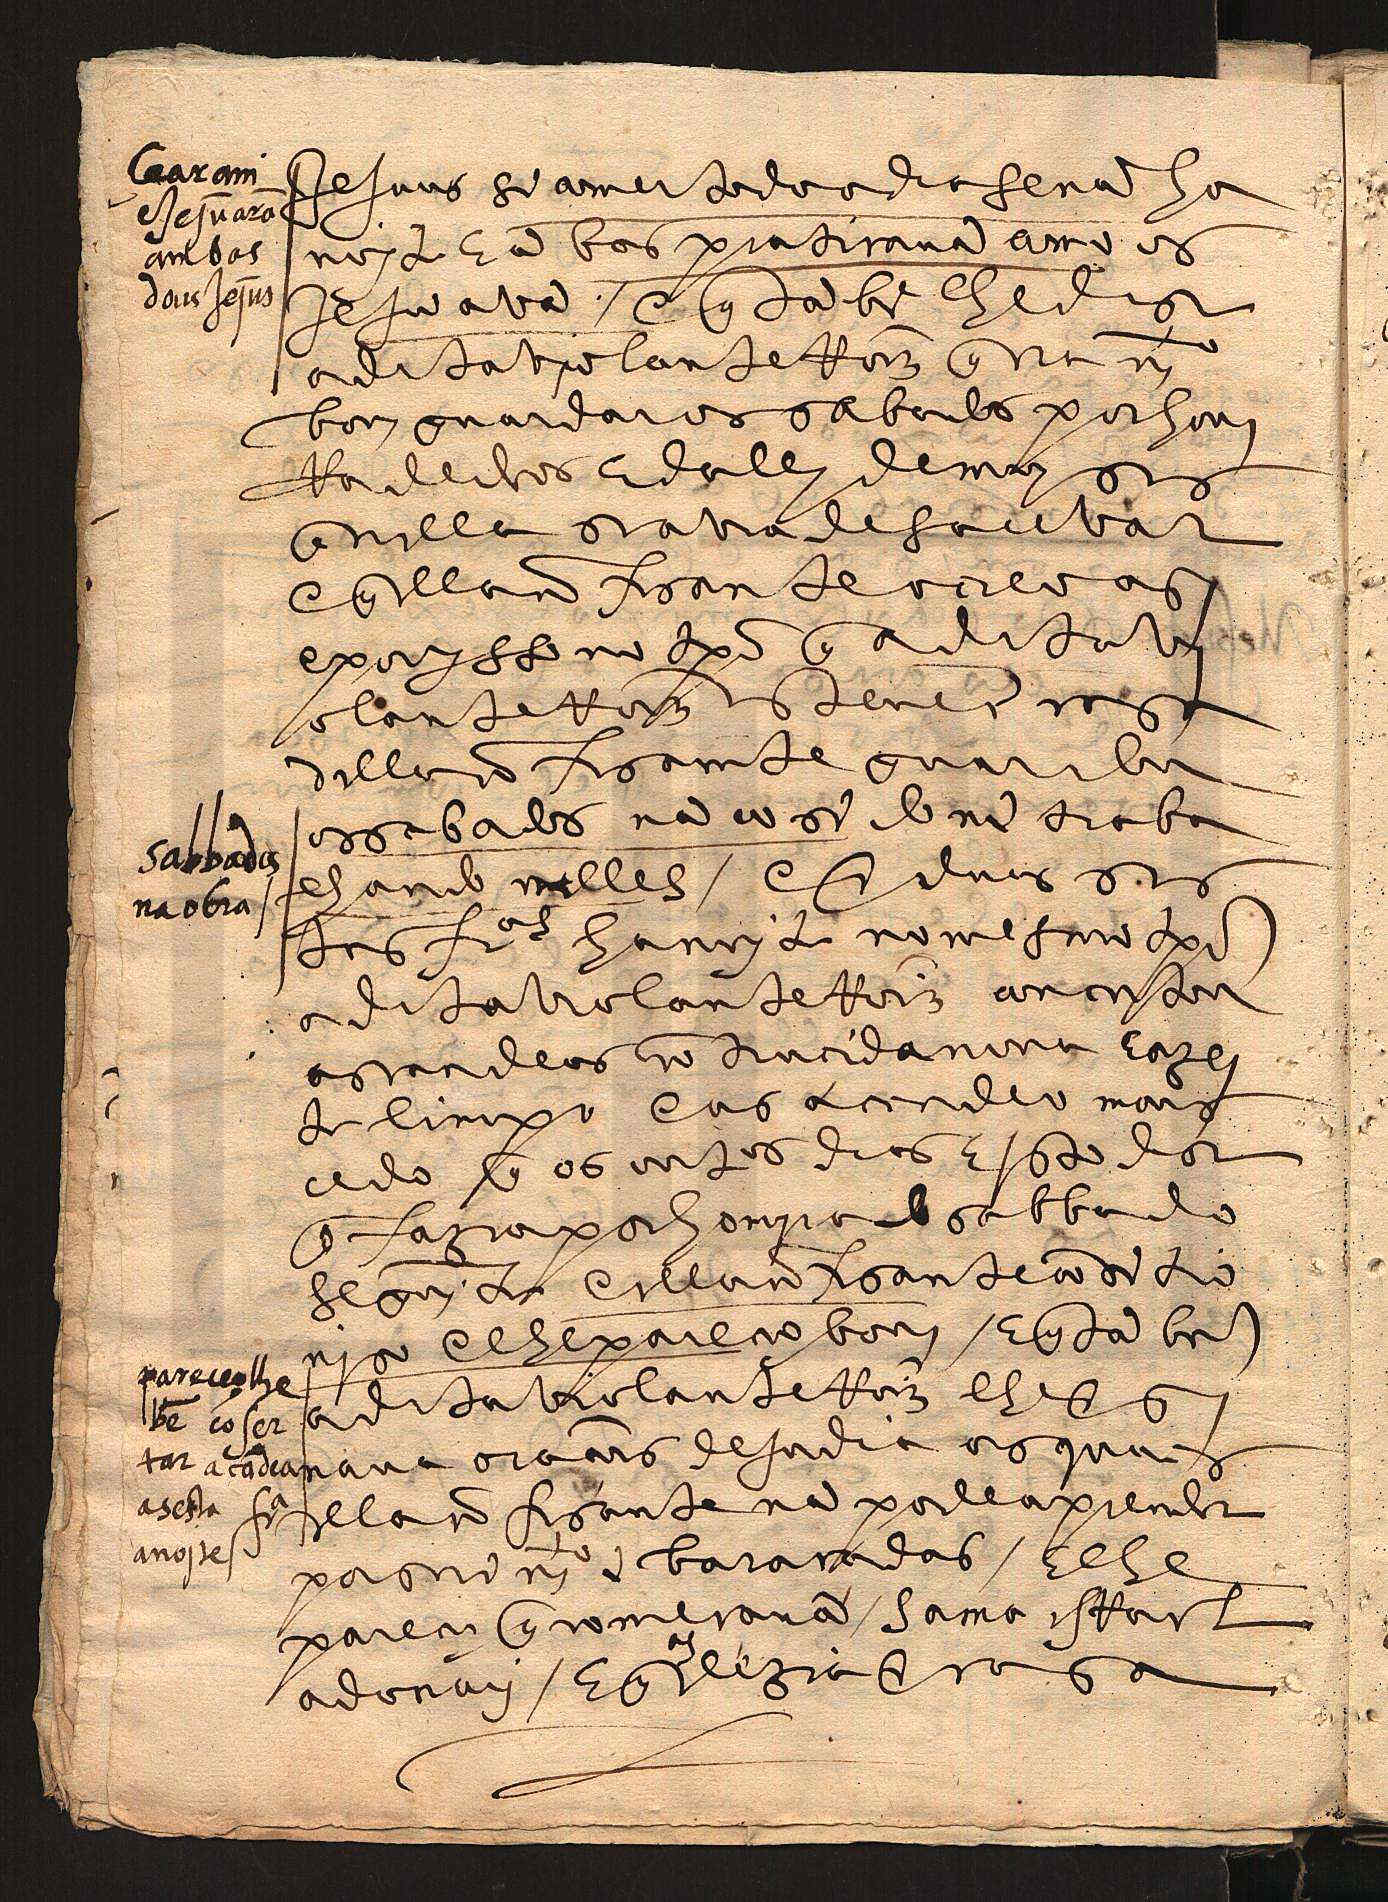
Cearam
e Jejūarā
ambos
dous Jejūs
sabbados
na obra
pareceolhe
bē cōser
tar a cādea
a sesta fra
a nojte
JeJuus sē comer todo o dia senā ha
noyte E ābos praticauā como os
Jejuavā ./ e q̄ tābē lhe dise
a dita vyolante Rōiz q̄ era mto
bom guardar os sabados por hom
Ra de deos E da lej de mojses
q̄ nella se avia de sallvar
e q̄ ella cōfesante o creo asj
e por jsso no tpō q̄ a dita vj
olante Rōiz esteue ē casa
della cōfesamte guardou
os sabados n̄ cosēdo nē traba
lhando nelles / e ē duas ses
tas fras ha noyte no mesmo tpō
a dita violante Rōiz concertou
as candeas cō trocida nouas E azej
te limpo e as acendeo mais
cedo q̄ os outos dias E jsto dise
q̄ fazia por homrra do sabbado
seguȳte e ella cōfesante cōsētio
njso e lhe pareçeo bom / E q̄ tābē
a dita violante Rōiz lhe ēsj
naua orações de judia as quaes
ella cōfesante nā pode aprender
por serē mto ēbaraçadas / E lhe
pareçe q̄ começauão / Sama isRaeL
adonay / E q̄ as dezia ē casa
